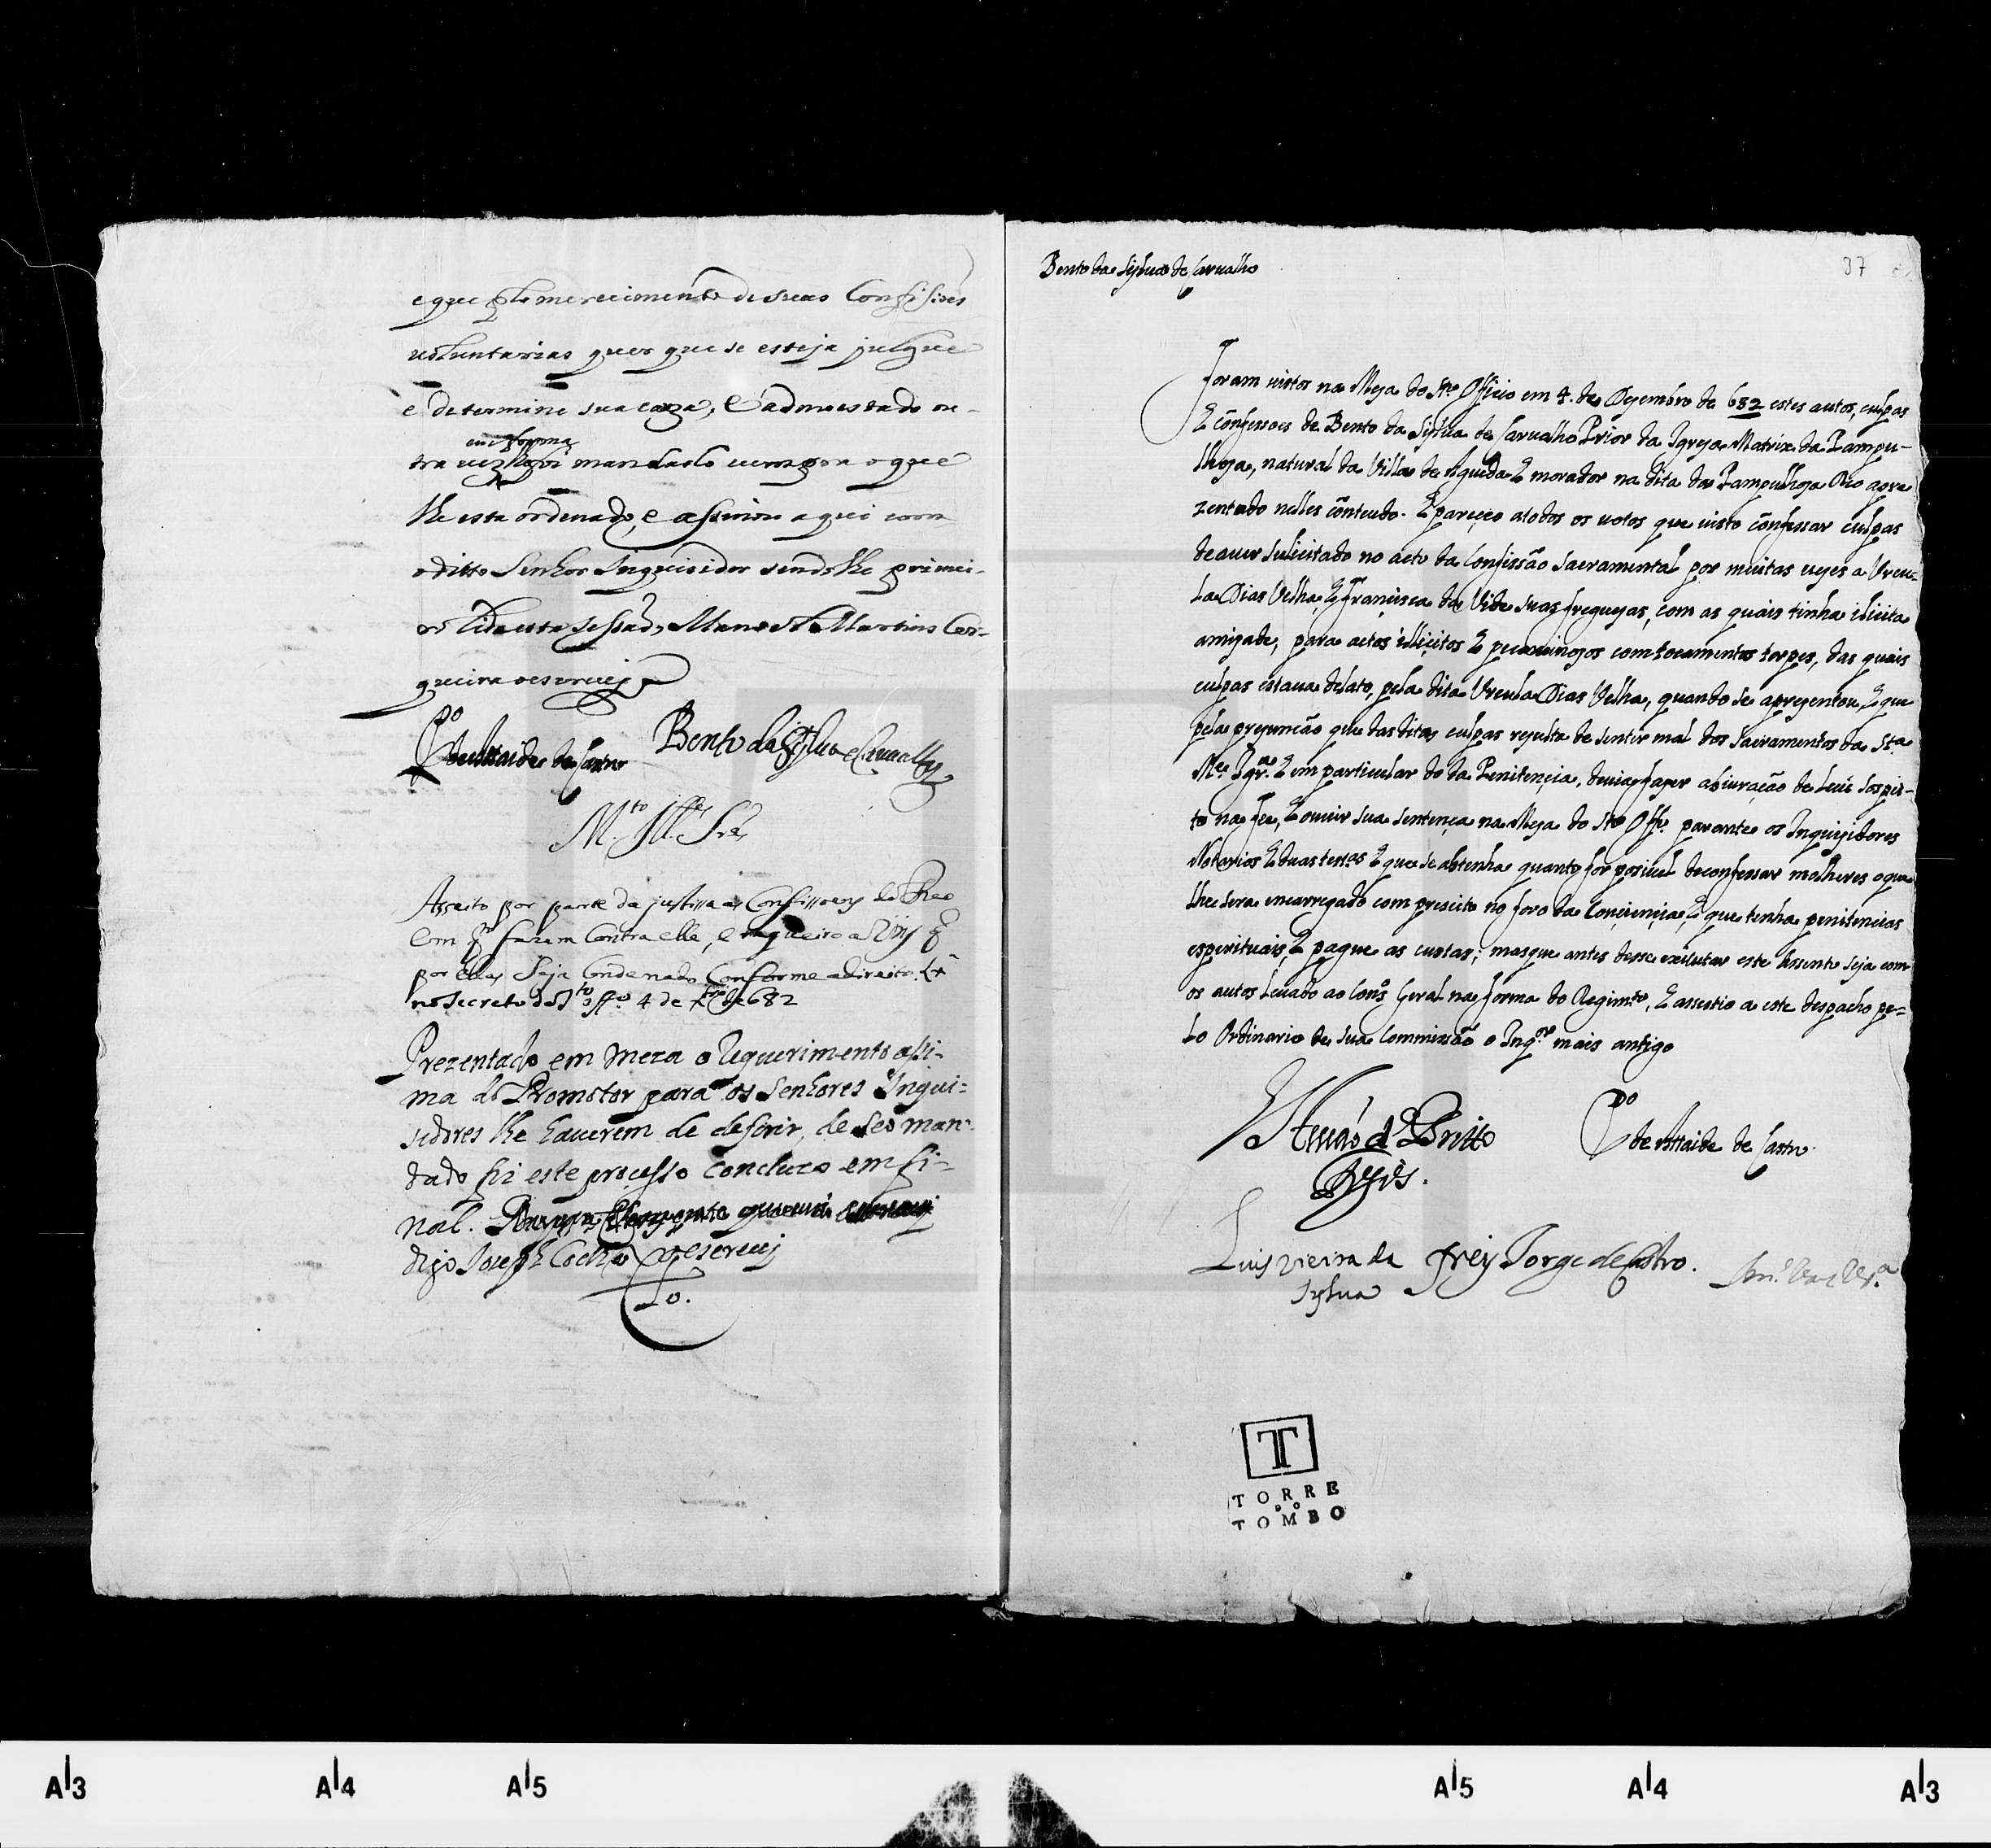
e que plo merecimento de suas confissoẽs
uoluntarias quer que se esteja julgue
e determine sua cauza, e admoestado ou
em forma
tra uez lhe foi mandado cumpra o que
lhe esta ordenado, e assinou aqui com
o ditto Senhor Inquisidor sendolhe primei
ro lida esta sessaõ, Manoel Martins Cer
queira o escreuj
Bento da Sylua Carualho
Po de Attaide_ de Castro
M.to Jll̄.es Srēs
Asseito por parte da justissa as Confissoens do Reo
Em q̄ fazem Contra elle, e requeiro a V m̄s q̄
por ellas Seja Condenado Conforme a direito. Lxa
no secreto do sto off.o 4 de xbro de 682
Prezentado em meza o Requerimento assi
ma do Promotor para os Senhores Inqui
sidores lhe hauerem de deferir, de seo man
dado fiz este processo concluzo em fi
nal. Gaspar Clemente que_ o escreuj
digo Iozeph Coelho o escreuj
Cl̄o.
Bento da Silua de Carualho
foram uistos na Mesa do St.o Officio em 4. de Desembro de 682 estes autos, culpas
E cōnfissoes de Bento da Sylua de Carualho Prior da Igreja Matrix da Pampu
lhosa, natural da Villa de Agueda E morador na dita da Pampulhosa Reo apre
zentado nelles cōnteudo. E pareceo a todos os uotos que uisto cōnfessar culpas
de auer sulicitado no acto da Confissão Sacramental por muitas ueses a Vrçu
la Dias Velha, E Francisca da Vide suas freguesas, com as quais tinha ilicita
amizade, para actos illicitos E pecaminozos com tocamentos torpes, das quais
culpas estaua delato, pela dita Vrçula Dias Velha, quando se aprezentou E que
pela presunção que das ditas culpas resulta de sentir mal dos sacramentos da St.a
M.e Igr.a E em particular do da Penitencia, deuia faser abiuração de Leui sospei
to na fee, E ouuir sua sentença na Mesa do Sto Off.o parante os Inquisidores
Notarios E duas test.as E que se abtenha quanto for posiuel de confessar molheres o que
lhe sera encarregado com preseito no foro da conciencia, E que tenha penitencias
esperituais, E pague as custas; mas que antes de sse executar este Assento seja com
os autos leuado ao Conso Geral na forma do Regimto, E assestio a este despacho pe
lo Ordinario de sua commissaõ o Inq.or mais antigo
Esteuaõ de Britto
Po de Ataide de Castro.
Fojos.
Luis vieira da
frey Jorge de Castro.
Im.o Vaz Vr.a
Sylua
